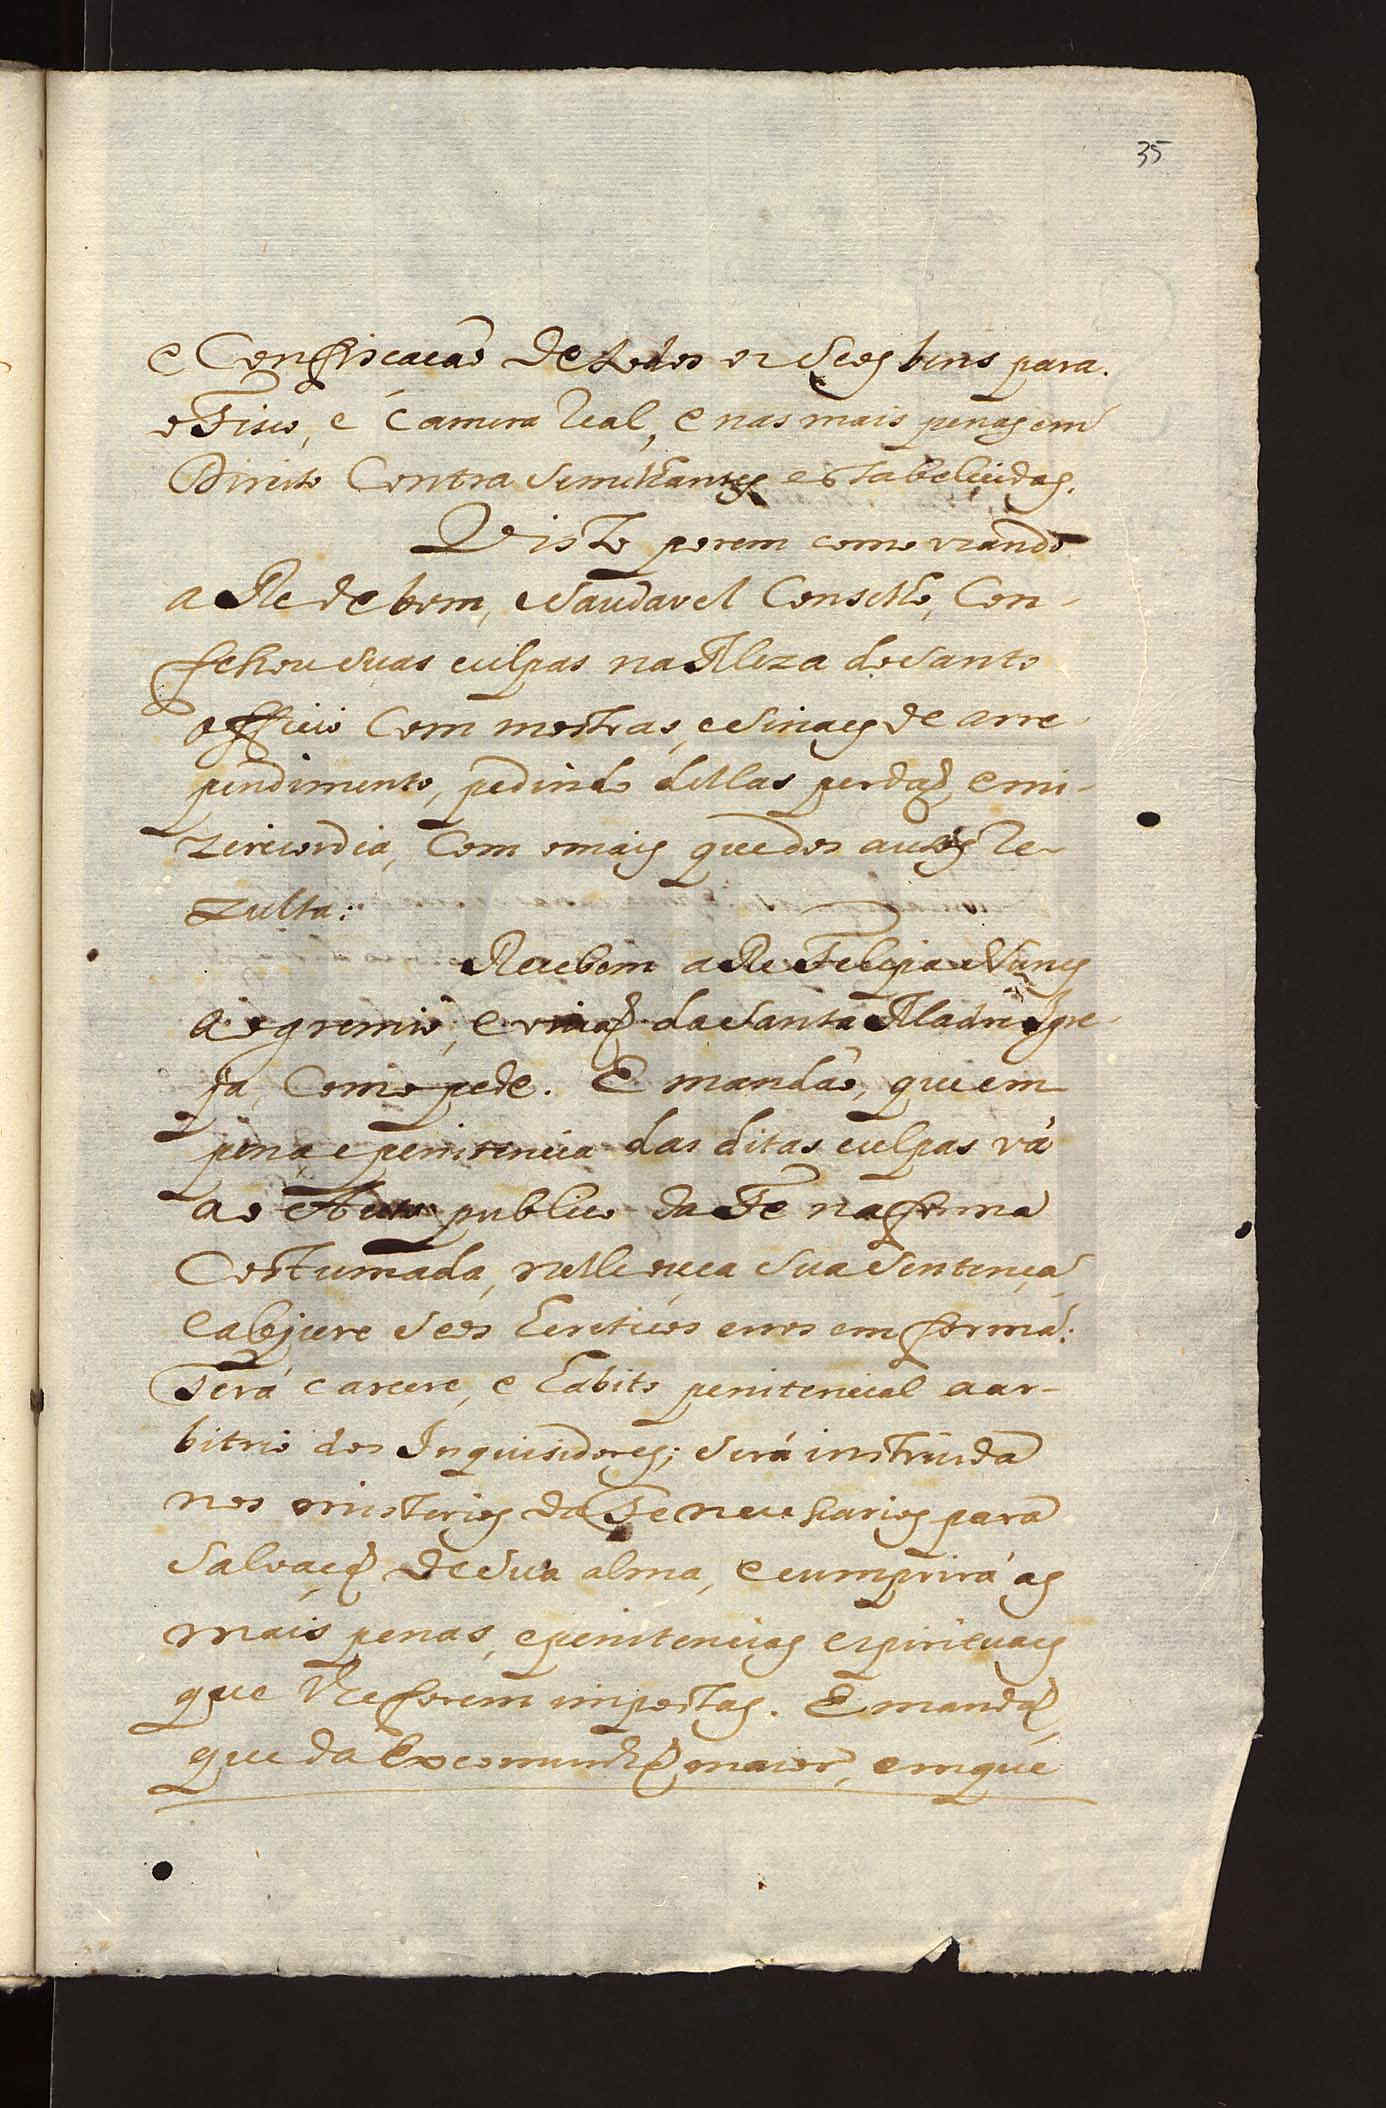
e Confiscaçaõ de todos os Seos bens para.
o Fisco, e camera Real, e nas mais penas em
Direito Contra semelhantes estabelecidas.
Visto porem como vzando
a Re de bom, e saudavel Conselho, Con
fessou suas culpas na Meza do santo
officio Com mostras, e sinaes de arre
pendimento, pedindo dellas perdaõ, e mi
zericordia, com o mais que dos autos Re
zulta:
Recebem a Re Felipa Nunes
ao gremio, e vniaõ da Santa Madre Igre
ja, Como pede. E mandaõ, que em
pena, e penitencia das ditas culpas vá
ao Auto publico da Fe na forma
Costumada, nelle ouça sua sentença
e abjure seos hereticos erros em forma:
Terá carcere, e habito penitencial a ar
bitrio dos Inquisidores; será instruida
nos misterios da Fe necessarios para
salvaçaõ de sua alma, e cumprira as
mais penas, e penitencias espirituais
que lhe forem impostas. E mandaõ
que da Excomunhaõ maior, em que
